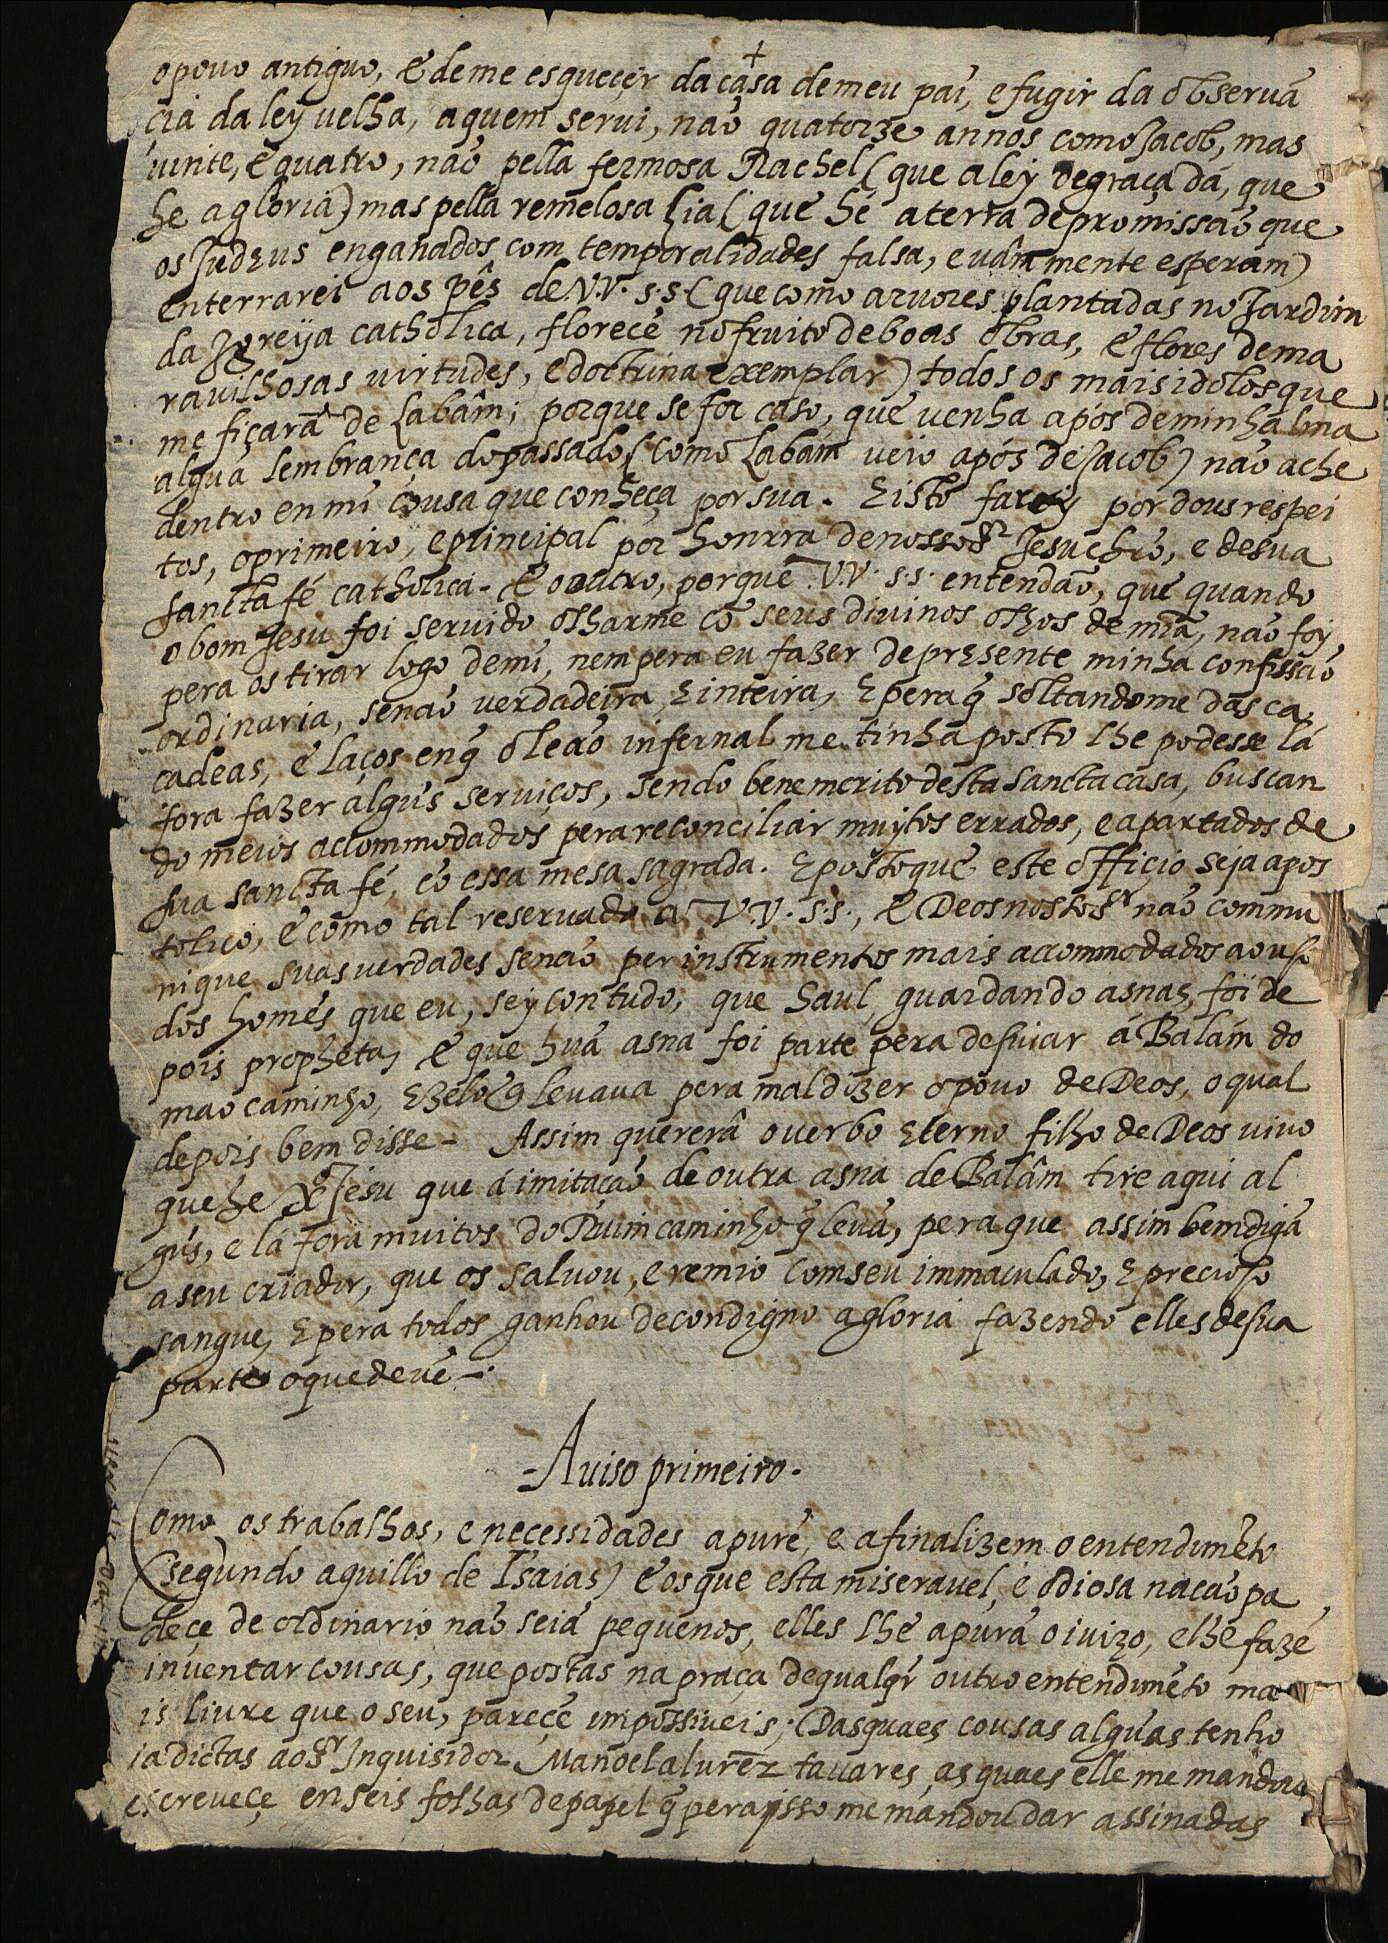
o pouo antiguo, e de me esqueçer da casa de meu paī, e fugir da obseruā
çia da ley uelha, a quem serui naõ quatorze annos como Jacob, mas
uinte, e quatro, naõ pella fermosa Rachel (que a ley de graça dá, que
he a gloria) mas pella remelosa Lia (que hé a terra de promissaõ que
os JudEus enganados com temporalidades falsa, e vâmente esperam)
enterrarei aos pês de .V.V. s.s. (que como aruores plantadas no Jardim
da Jgreija catholica, florecē no fruito de boas obras, e flores de ma
rauilhosas uirtudes, e doctrina exemplar) todos os mais idolos que
me ficarā de Labâm; porque se for caso, que uenha após de minhalma
alguā lembrança do passado, (como Labam ueio após de Jacob) naõ ache
dentro en mī cousa que conheça por sua. E isto farey por dous respei
tos, o primeiro, e principal por honrra de nosso sor Jesu chrō, e de sua
Sancta fé catholica. & o outro porque .V.V. s.s. entendaõ, que quando
o bom Jesu foi seruido olharme cō seus diuinos olhos de mīa, naõ foy
pera os tirar logo de mī, nem pera eu fazer de prEsente minha confissaõ
ordinaria, senaõ uerdadeira, E inteira, E pera q̄ soltandome das ca
cadeas, e laços en q̄ o leaõ infernal me tinha posto lhe podesse lá
fora fazer algūs seruiços, sendo benemerito desta sancta casa, buscan
do meios accomodados pera reconciliar muytos errados, e apartados de
sua sancta fé, cō essa mesa sagrada. E posto que este offiçio seja apos
tolico, e como tal reseruado a V.V. S.S. & Deos nosso sor naõ commu
nique suas uerdades senaõ per instrumentos mais accommodados ao uso
dos homēs que eu, sey contudo, que Saul, guardando asnas, foi de
pois popheta, e que huā asna foi parte pera desuiar á Balam do
mao caminho, E zelo q̄ leuaua pera maldizer o pouo de Deos, o qual
depois bem disse - Assim quererâ o uerbo Eterno filho de Deos uiuo
que he Xo Jesu q á imitaçaõ de outra asna de Balâm tire aqui al
gūs, e lá fora muitos do Ruim caminho q̄ leuā, pera que assim bem digā
a seu criador, que os saluou, e remio com seu immaculado, E precioso
sangue, E pera todos ganhou de condigno a gloria fazendo elles de sua
parte o que deuē -
- Auiso primeiro.
Como os trabalhos, e neçessidades apurē, e afinalizem o entendimēto
(segundo aquillo de Isaias) e os que esta miserauvel, e odiosa nacaõ pa
desse de ordinario naõ seiā pequenos, elles lhe apura o iuizo, e lhe fazē
inuentar cousas, que postas na praça de qualqr̄ outro entendimēto ma
is liure que o seu, pareçē impossiueis; Das quaes cousas algūas tenho
ia dictas ao sor Inquisidor Manoel alurēz tauares, as quaes elle me mandou
escreueçe en seis folhas de papel q̄ pera ysso me mandou dar assinadas
